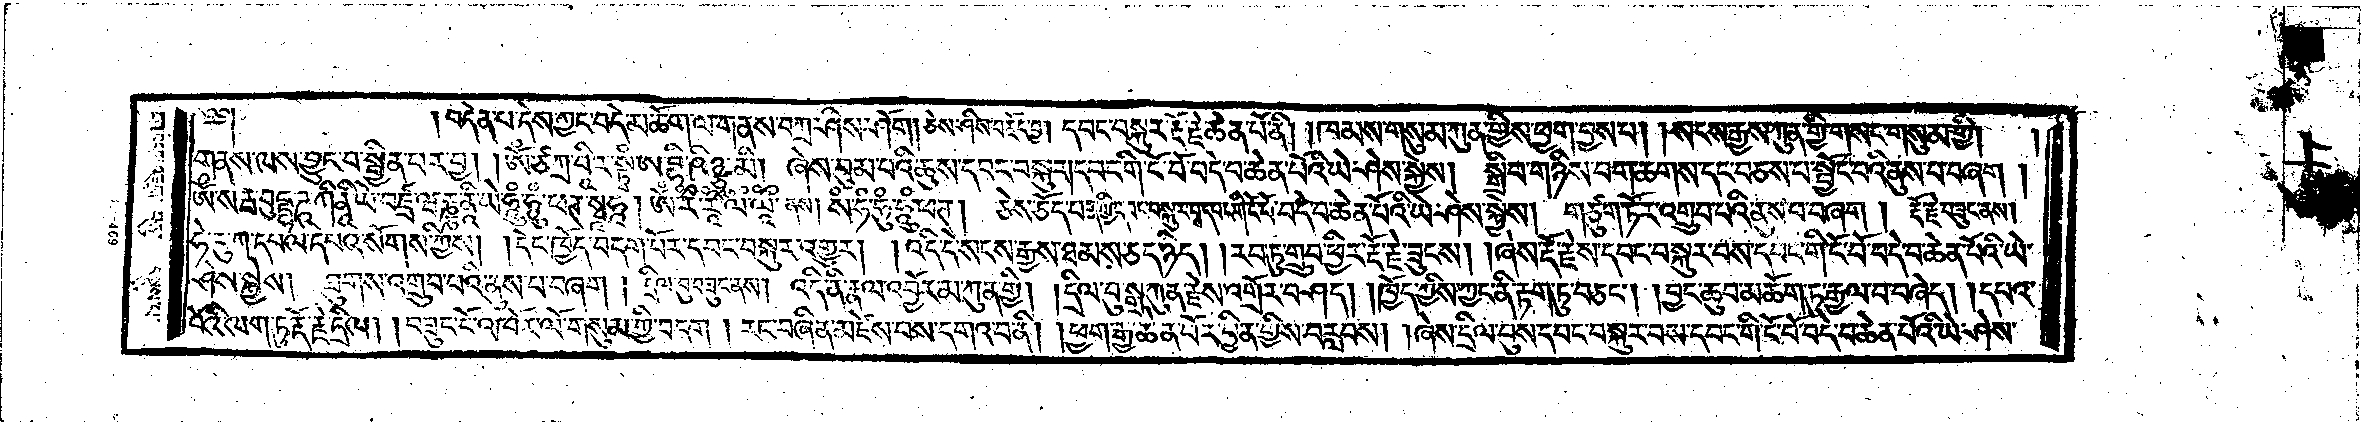༄༅། །བདེན་པ་དེས་ཀྱང་བདེ་མཆོག་ལ་གནས་བཀྲ་ཤིས་ཤོག་།ཅེས་ཤིས་བརྗོད་བྱ།  དབང་བསྐུར་རྡོ་རྗེ་ཆེན་པོ་ནི། །ཁམས་གསུམ་ཀུན་གྱིས་ཕྱག་བྱས་པ། །སངས་རྒྱས་ཀུན་གྱི་གསང་གསུམ་གྱི། །
གནས་ལས་བྱུང་བ་སྦྱིན་པར་བྱ། །ཨོཾ་ཙྐྲ་པཱི་ར་སྟྭཾ་ཨ་བྷི་ཥིཉྩ་མི། ཞེས་བུམ་པའི་ཆུས་དབང་བསྐུར། དབང་གི་ངོ་བོ་བདེ་བ་ཆེན་པོའི་ཡེ་ཤེས་སྐྱེས། སྒྲིབ་གཉིས་བག་ཆགས་དང་བཅས་པ་སྦྱོང་བའི་ནུས་པ་བཞག །
ཨོཾ་སརྦ་བུདྡྷ་ཌཱ་ཀི་ནཱི་ཡེ་བཛྲ་ཝརྞྞ་ནཱི་ཡེ་ཧཱུཾ་ཧཱུཾ་ཕཊ་སྭཱཧཱ། ཨོཾ་རྀཾ་རཱྀཾ་ལྀཾ་ལཱྀཾ་ནས།  སཾ་ཧཾ་ཧུཾ་ཧཱུཾ་ཕཊ། ཅེས་ཅོད་པན་གྱི་དབང་བསྐུར་བས་དབང་གི་ངོ་བོ་བདེ་བ་ཆེན་པོའི་ཡེ་ཤེས་སྐྱེས། གཙུག་ཏོར་འགྲུབ་པའི་ནུས་པ་བཞག་།རྡོ་རྗེ་བཟུང་ནས།
ཧེ་རུ་ཀ་དཔལ་དཔའ་སོགས་ཀྱིས། །དེང་ཁྱོད་བདག་པོར་དབང་བསྐུར་འགྱུར། །འདི་དེ་སངས་རྒྱས་ཐམས་ཅད་ཉིད། །རབ་ཏུ་གྲུབ་ཕྱིར་རྡོ་རྗེ་ཟུངས། །ཞེས་རྡོ་རྗེས་དབང་བསྐུར་བས་དབང་གི་ངོ་བོ་བདེ་བ་ཆེན་པོའི་ཡེ་
ཤེས་སྐྱེས། ཐུགས་འགྲུབ་པའི་ནུས་པ་བཞག་།དྲིལ་བུ་བཟུང་ནས།  འདི་ནི་རྣལ་འབྱོར་མ་ཀུན་གྱི། །དྲིལ་བུ་སྒྲ་ཀུན་རྗེས་འགྲོར་བཤད། །ཁྱོད་ཀྱིས་ཀྱང་ནི་རྟག་ཏུ་བཅང་། །བྱང་ཆུབ་མཆོག་ཏུ་རྒྱལ་བ་བཞེད། །དཔའ་
བོའི་ལག་ཏུ་རྡོ་རྗེ་དྲིལ། །བཟུང་ངོ་འཁོར་ལོ་གསུམ་གྱི་བདག །རང་བཞིན་མཛེས་པས་དགའ་བ་ནི། །ཕྱག་རྒྱ་ཆེན་པོར་བྱིན་གྱིས་བརླབས། །ཞེས་དྲིལ་བུས་དབང་བསྐུར་བས་དབང་གི་ངོ་བོ་བདེ་བ་ཆེན་པོའི་ཡེ་ཤེས་